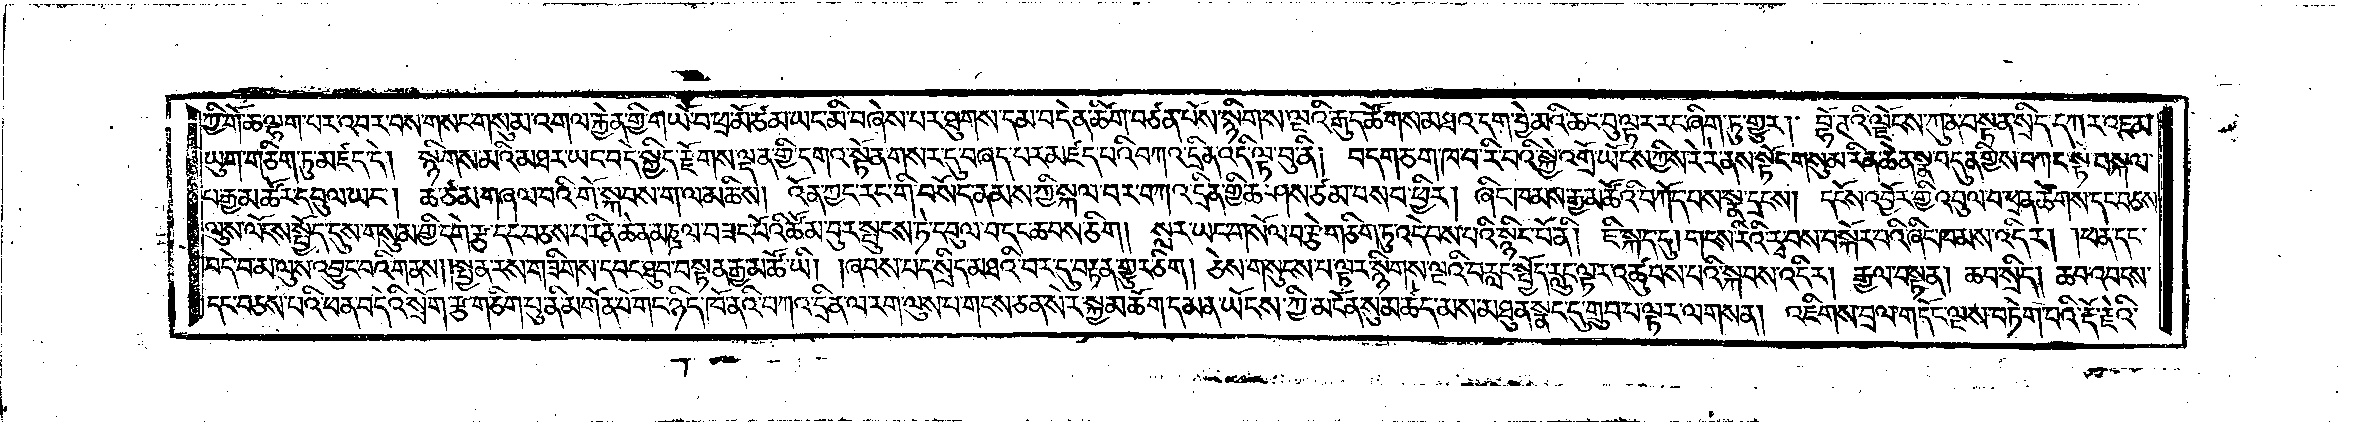ཀྱི་གོ་ཆ་ལྷག་པར་འབར་བས་གསང་གསུམ་འགལ་རྐྱེན་གྱི་གཡོ་བ་ཕྲ་མོ་ཙམ་ཡང་མི་བཞེས་པར་ཐུགས་དམ་བདེན་ཚིག་བཙན་པོས་སྙིགས་ལྔའི་རྒུད་ཚོགས་མཐའ་དག་བྱེ་མའི་ཆང་བུ་ལྟར་རང་ཞིག་ཏུ་གྱུར། བྷོ་ཊའི་ལྗོངས་ཀུན་བསྟན་སྲིད་དཀར་འཇམ་
ཡུག་གཅིག་ཏུ་མཛད་དེ། སྙིགས་མའི་མཐར་ཡང་བདེ་སྐྱིད་རྫོགས་ལྡན་གྱི་དགའ་སྟོན་གསར་དུ་བཞད་པར་མཛད་པའི་བཀའ་དྲིན་འདི་ལྟ་བུ་ནི། བདག་ཅག་ཁ་བ་རི་བའི་སྐྱེ་འགྲོ་ཡོངས་ཀྱིས་རེ་རེ་ནས་སྟོང་གསུམ་རིན་ཆེན་སྣ་བདུན་གྱིས་བཀང་སྟེ་བསྐལ་
པ་རྒྱ་མཚོར་དབུལ་ཡང་། ཆ་ཙམ་གཞལ་བའི་གོ་སྐབས་ག་ལ་མཆིས། འོན་ཀྱང་རང་གི་བསོད་ནམས་ཀྱི་སྐལ་བར་བཀའ་དྲིན་གྱི་ཆ་ཤས་ཙམ་བསབ་ཕྱིར། ཞིང་ཁམས་རྒྱ་མཚོའི་བཀོད་པས་སྣ་དྲངས། དངོས་འབྱོར་གྱི་འབུལ་བ་ཕྲན་ཚེགས་དང་བཅས་
ལུས་ལོངས་སྤྱོད་དུས་གསུམ་གྱི་དགེ་རྩ་དང་བཅས་པ་རིན་ཆེན་མཎྜལ་བཟང་པོའི་ཚོམ་བུར་སྤུངས་ཏེ་དབུལ་བ་དང་ཆབས་ཅིག། སླར་ཡང་གསོལ་བ་རྩེ་གཅིག་ཏུ་འདེབས་པའི་སྙིང་པོ་ནི། ཇི་སྐད་དུ། གངས་རིའི་རྭ་བས་བསྐོར་བའི་ཞིང་ཁམས་འདིར། །ཕན་དང་
བདེ་བ་མ་ལུས་འབྱུང་བའི་གནས། །སྤྱན་རས་གཟིགས་དབང་ཐུབ་བསྟན་རྒྱ་མཚོ་ཡི། །ཞབས་པད་སྲིད་མཐའི་བར་དུ་བརྟན་གྱུར་ཅིག །ཅེས་གསུངས་པ་ལྟར་སྙིགས་ལྔའི་བརླང་སྤྱོད་རླུང་ལྟར་འཚུབས་པའི་སྐབས་འདིར། རྒྱལ་བསྟན། ཆབ་སྲིད། ཆབ་འབངས་
དང་བཅས་པའི་ཕན་བདེའི་སྲོག་རྩ་གཅིག་པུ་ནི་མགོན་པོ་གང་ཉིད་ཁོ་ནའི་བཀའ་དྲིན་ལ་རག་ལུས་པ་གངས་ཅན་སེར་སྐྱ་མཆོག་དམན་ཡོངས་ཀྱི་མངོན་སུམ་ཚད་མས་མཐུན་སྣང་དུ་གྲུབ་པ་ལྟར་ལགས་ན། འཇིགས་བྲལ་གདོང་ལྔས་བཏེག་པའི་རྡོ་རྗེའི་